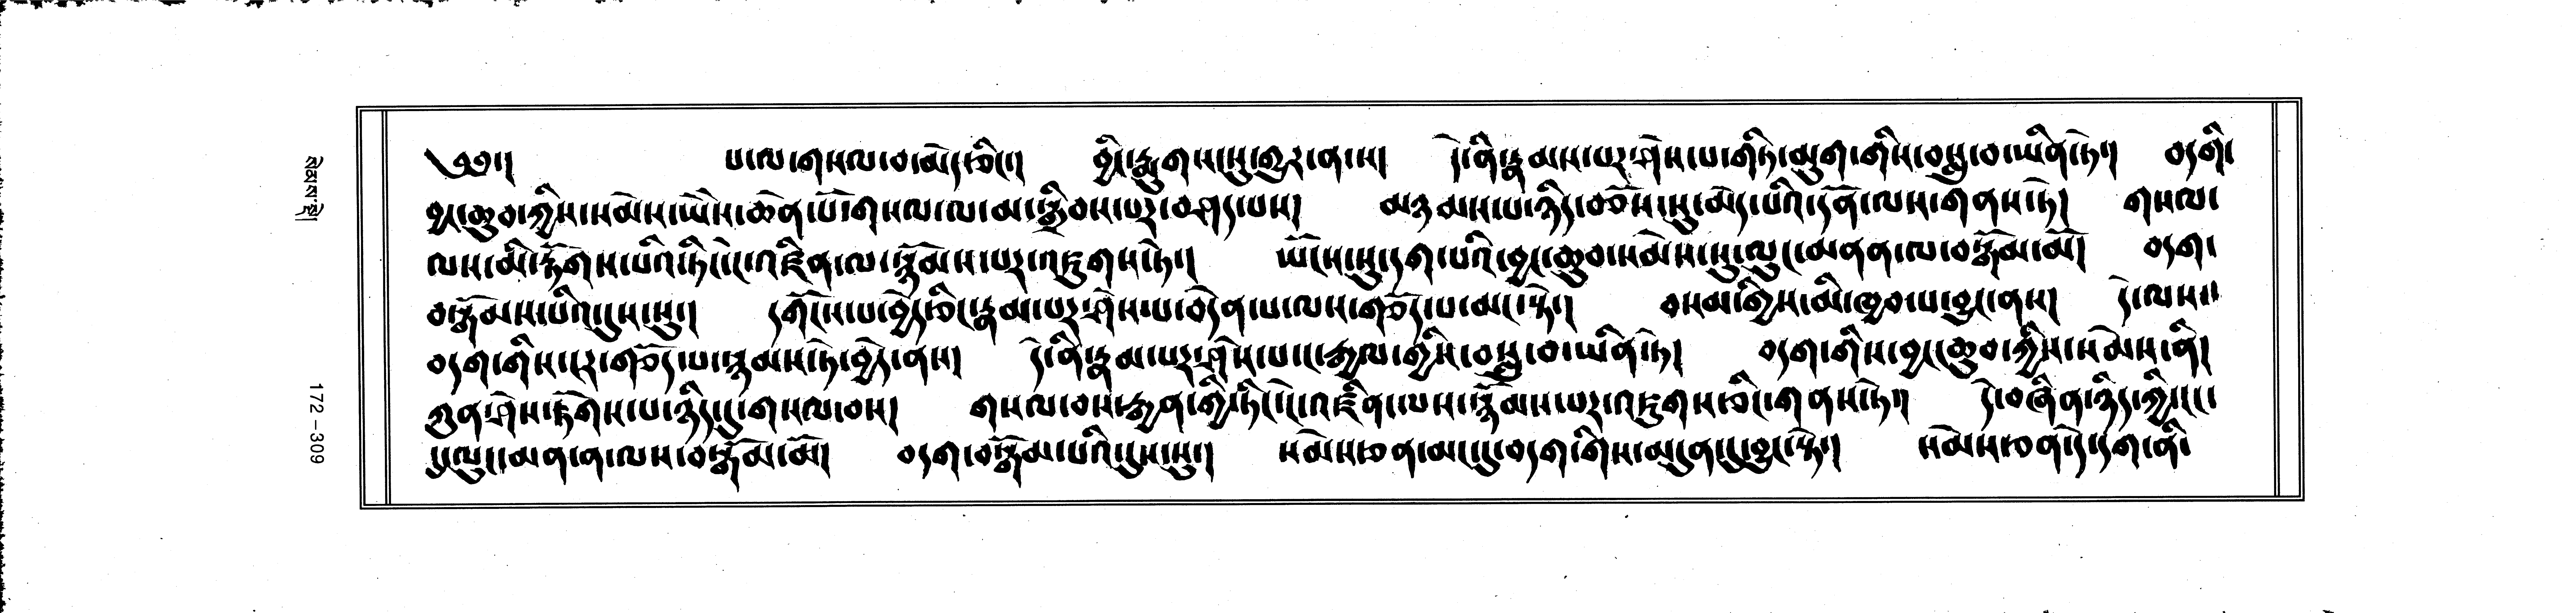པ་ལ་གསལ་བ་མེད་ཅིང་། བྱིང་རྨུགས་སུ་གྱུར་ནས། དེ་ནི་རྣམ་པར་ཤེས་པ་གཏི་མུག་གིས་བསླུ་བ་ཡིན་ཏེ། བདག་གིས་
བྱང་ཆུབ་ཀྱིས་སེམས་ཡེ་ཤེས་ཆེན་པོ་གསལ་ལ་མ་བསྒྲིབས་པར་བཤད་པས། མཉམས་པ་ཉིད་བཅོས་སུ་མེད་པའི་དོན་ལས་གནས་ཏེ། གསལ་
ལས་མི་རྟོགས་པའི་ཏིང་ངེ་འཛིན་ལ་སྙོམས་པར་འཇུགས་ཏེ། ཡོངས་སུ་དག་པའི་བྱང་ཆུབ་ཀྱིས་སེམས་སུ་ལུང་མནན་ལ་བསྒོམ་མོ། བདག་
བསྒོམས་པའི་དུས་སུ། དགོངས་པ་བྱེད་ཅིང་རྣམ་པར་ཤེས་པ་བདེན་པ་ལས་གཅོད་པ་མང་སྟེ། བསམ་གྱིས་མི་ཁྱབ་པ་བྱུང་ནས། དེ་ལས་
བདག་གིས་ངར་གཅོད་པ་སྙམས་ཏེ་བྱེད་ནས། དེ་ནི་རྣམ་པར་ཤེས་པ་ང་རྒྱལ་གྱིས་བསླུ་བ་ཡིན་ཏེ། བདག་གིས་བྱང་ཆུབ་ཀྱིས་སེམས་ནི། 
ཀུན་ཤེས་རྟོགས་པ་ཉིད་དུ་གསལ་བས། གསལ་བས་རྒྱན་གྱི་ཏིང་ངེ་འཛིན་ལས་སྙོམས་པར་འཇུགས་ཅིང་གནས་ཏེ། དེ་བཞིན་ཉིད་ཀྱི་ངང་
དུ་ལུང་མནན་ལས་བསྒོམ་མོ། བདག་བསྒོམ་པའི་དུས་སུ། སེམས་ཅན་མང་དུ་བདག་གིས་མདུན་དུ་བྱུང་སྟེ། སེམས་ཅན་དེ་དག་ནི་